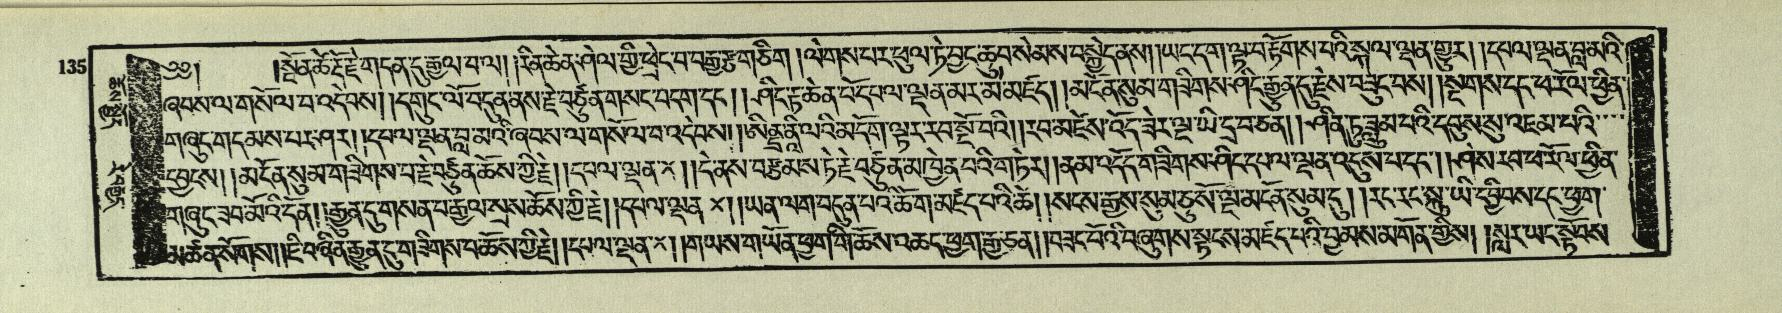༄༅། །སྔོན་ཚེ་རྡོ་རྗེ་གདན་དུ་རྒྱལ་བ་ལ། །རིན་ཆེན་ཤེལ་གྱི་ཕྲེང་བ་བརྒྱ་རྩ་གཅིག །ལེགས་པར་ཕུལ་ཏེ་བྱང་ཆུབ་སེམས་བསྐྱེད་ནས། །ཡང་དག་ལྟ་བ་རྟོགས་པའི་སྐལ་ལྡན་གྱུར། །དཔལ་ལྡན་བླ་མའི་
ཞབས་ལ་གསོལ་བ་འདེབས། །དགུང་ལོ་བདུན་ནས་རྗེ་བཙུན་གསང་བདག་དང་། །ཤིང་རྟ་ཆེན་པོ་དཔལ་ལྡན་མར་མེ་མཛད། །མངོན་སུམ་གཟིགས་ཤིང་རྒྱུན་དུ་རྗེས་བཟུང་བས། །སྔགས་དང་ཕ་རོལ་ཕྱིན་
གཞུང་གདམས་པར་ཤར། །དཔལ་ལྡན་བླ་མའི་ཞབས་ལ་གསོལ་བ་འདེབས། །ཨིནྡྲ་ནཱི་ལའི་མདོག་ལྟར་རབ་སྔོ་བའི། །རབ་མཛེས་འོད་ཟེར་ལྔ་ཡི་དྲ་བ་ཅན། །ཤིན་ཏུ་ཟླུམ་པའི་དབུས་སུ་འཇམ་པའི་
དབྱངས། །མངོན་སུམ་གཟིགས་པ་རྗེ་བཙུན་ཆོས་ཀྱི་རྗེ། །དཔལ་ལྡན་྾། །དེ་ནས་བརྩམས་ཏེ་རྗེ་བཙུན་མཁྱེན་པའི་གཏེར། །ནམ་འདོད་གཟིགས་ཤིང་དཔལ་ལྡན་འདུས་པ་དང་། །ཤེས་རབ་ཕ་རོལ་ཕྱིན་
གཞུང་ཟབ་མོའི་དོན། །རྒྱུན་དུ་གསན་པ་རྒྱལ་སྲས་ཆོས་ཀྱི་རྗེ། །དཔལ་ལྡན་྾། །ཡན་ལག་བདུན་པའི་ཆོ་ག་མཛད་པའི་ཚེ། །སངས་རྒྱས་སུམ་ཅུ་སོ་ལྔ་མངོན་སུམ་དུ། །རང་རང་སྐུ་ཡི་དབྱིབས་དང་ཕྱག་
མཚན་སོགས། །ཇི་བཞིན་རྒྱུན་དུ་གཟིགས་པ་ཆོས་ཀྱི་རྗེ། །དཔལ་ལྡན་྾། །གཡས་གཡོན་ཕྱག་གི་ཆོས་འཆད་ཕྱག་རྒྱ་ཅན། །བཟང་པོའི་བཞུགས་སྟངས་མཛད་པའི་བྱམས་མགོན་གྱིས། །སླར་ཡང་སྟོབས་